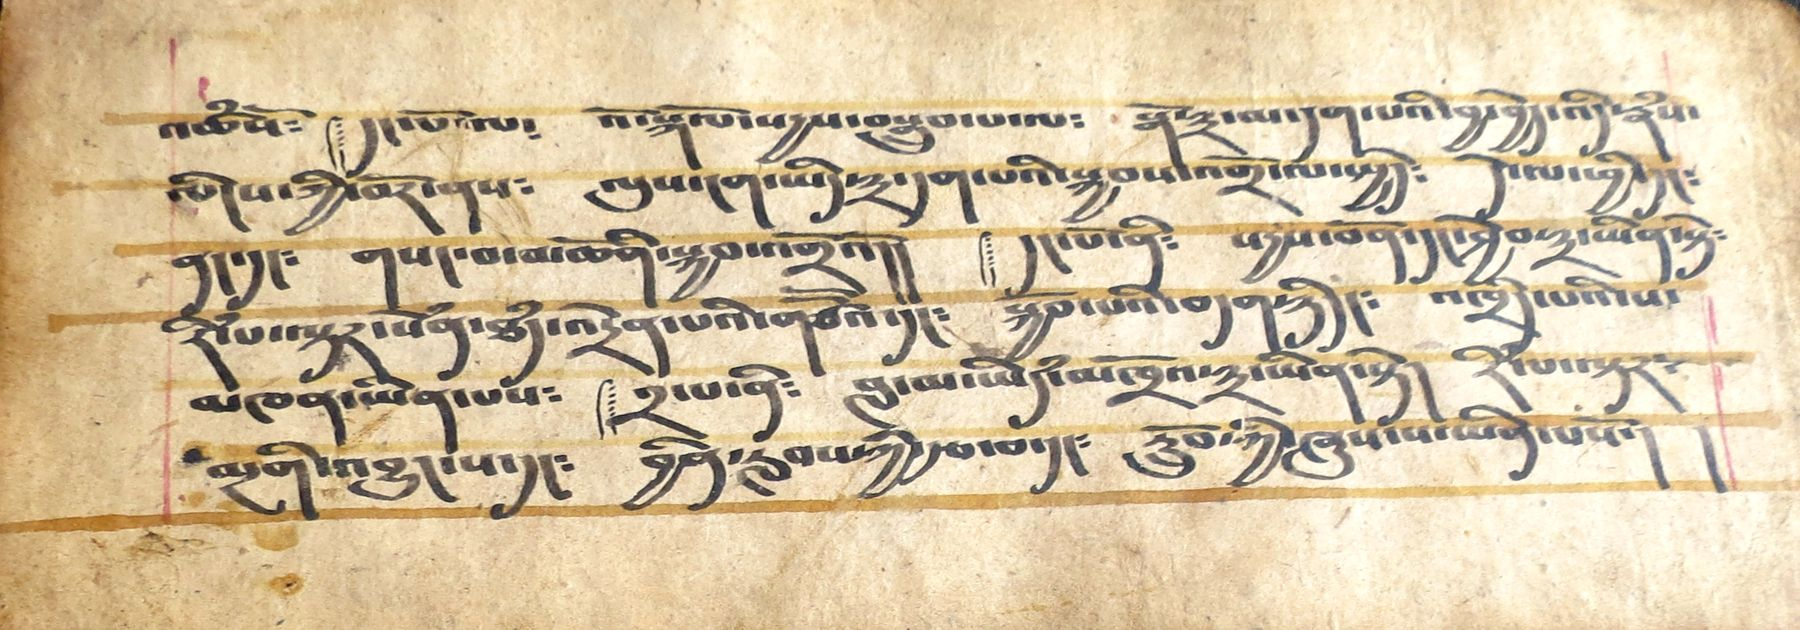མཚམས་སོ། ། དང་པོ་༼རྒྱུ་མཚན༽ལ་འོ་སྐོལ་སངས་རྒྱས་བསྒྲུབ་པ་ལ་སྒོ་གསུམ་མ་དག་པའི་བྱ་བྱེད་འདི་རྣམས་
ལིངས་ཀྱི་བོར་ནས་ལུས་ངག་ཡིད་གསུམ་དག་པའི་སྐྱབས་འགྲོ་ལ་སྤྱད་དེ། དེ་ལས་ཡང་ཕྱི་དང་། 
ནང་དང་གསང་བ་མཆོག་གི་སྐྱབས་འགྲོའོ། དང་པོ་༼ཕྱི་ཡི་སྐྱབས་འགྲོ༽ནི་སངས་རྒྱས་བོན་དང་གཤེན་རབ་གསུམ་ཡིན་ཏེ། 
རིམ་པ་ལྟར་སེམས་ཅན་ཐམས་ཅད་འདྲེན་པའི་གཙོ་དང་། སྐྱོབས་པའི་བདག་ཉིད་དང་འཁྲིད་པའི་ས་
མཁན་ཡིན་པས་སོ། གཉིས་པ་སྐྱབས་སུ་འགྲོ་ཚུལ་ནི་བླ་མ་ཡི་དམ་མཁའ་འགྲོ་གསུམ་ཡིན། རིམ་པ་ལྟར་
མན་ངག་གིས་འབྱུང་གནས་དང་། བྱིན་རླབས་ཀྱི་རྩ་བ་དང་། དངོས་གྲུབ་ཀྱི་ཞུ་ས་ཡིན་པས་སོ། །